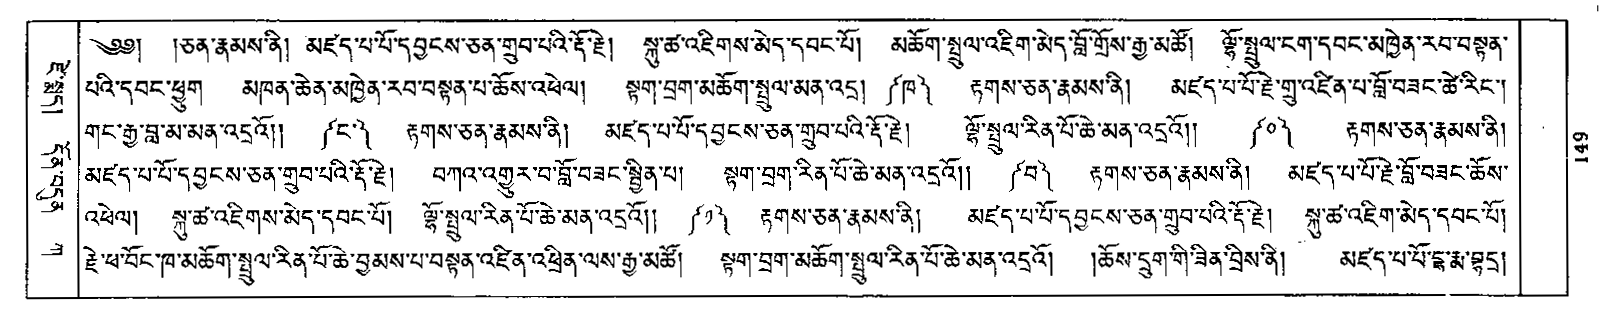༄༅། །ཅན་རྣམས་ནི། མཛད་པ་པོ་དབྱངས་ཅན་གྲུབ་པའི་རྡོ་རྗེ། སྐུ་ཚ་འཇིགས་མེད་དབང་པོ། མཆོག་སྤྲུལ་འཇིག་མེད་བློ་གྲོས་རྒྱ་མཚོ། ལྷོ་སྤྲུལ་ངག་དབང་མཁྱེན་རབ་བསྟན་
པའི་དབང་ཕྱུག་མཁན་ཆེན་མཁྱེན་རབ་བསྟན་པ་ཆོས་འཕེལ། སྟག་བྲག་མཆོག་སྤྲུལ་མན་འདྲ། ཁ྄་རྟགས་ཅན་རྣམས་ནི། མཛད་པ་པོ་རྗེ་གྲུ་འཛིན་པ་བློ་བཟང་ཚེ་རིང་།
གང་རྒྱ་བླ་མ་མན་འདྲའོ།། ༼ང྄་རྟགས་ཅན་རྣམས་ནི། མཛད་པ་པོ་དབྱངས་ཅན་གྲུབ་པའི་རྡོ་རྗེ། ལྷོ་སྤྲུལ་རིན་པོ་ཆེ་མན་འདྲའོ།། ༽༠?་རྟགས་ཅན་རྣམས་ནི།
མཛད་པ་པོ་དབྱངས་ཅན་གྲུབ་པའི་རྡོ་རྗེ། བཀའ་འགྱུར་བ་བློ་བཟང་སྦྱིན་པ། སྟག་བྲག་རིན་པོ་ཆེ་མན་འདྲའོ།། བ྄་རྟགས་ཅན་རྣམས་ནི། མཛད་པ་པོ་རྗེ་བློ་བཟང་ཆོས་
འཕེལ། སྐུ་ཚ་འཇིགས་མེད་དབང་པོ། ལྷོ་སྤྲུལ་རིན་པོ་ཆེ་མན་འདྲའོ།། ༡?་རྟགས་ཅན་རྣམས་ནི། མཛད་པ་པོ་དབྱངས་ཅན་གྲུབ་པའི་རྡོ་རྗེ། སྐུ་ཚ་འཇིག་མེད་དབང་པོ།
རྗེ་ཕ་བོང་ཁ་མཆོག་སྤྲུལ་རིན་པོ་ཆེ་བྱམས་པ་བསྟན་འཛིན་འཕྲིན་ལས་རྒྱ་མཚོ། སྟག་བྲག་མཆོག་སྤྲུལ་རིན་པོ་ཆེ་མན་འདྲའོ། །ཆོས་དྲུག་གི་ཟིན་བྲིས་ནི། མཛད་པ་པོ་དྷ་རྨ་བྷདྲ།